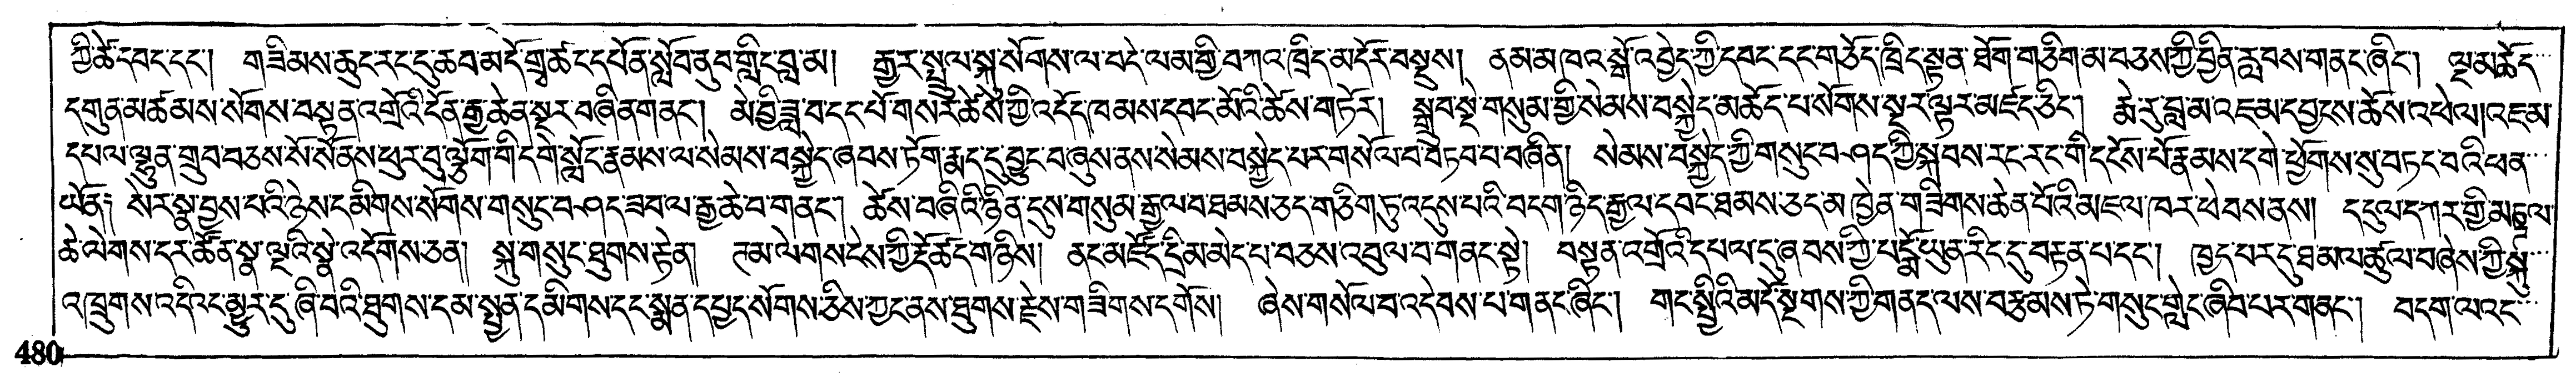ཀྱི་ཚེ་དབང་དང་། གཟིམས་ཆུང་རང་དུ་ཆབ་མདོ་གྲྭ་ཚང་དཔོན་སློབ་ནུབ་གླིང་བླ་མ། རྒྱ་ར་སྤྲུལ་སྐུ་སོགས་ལ་བདེ་ལམ་གྱི་བཀའ་ཁྲིད་མདོར་བསྡུས། ནམ་མཁའ་སྒོ་འབྱེད་ཀྱི་དབང་དང་གཅོད་ཁྲིད་སྟན་ཐོག་གཅིག་མ་བཅས་ཀྱི་བྱིན་རླབས་གནང་ཞིང་། ལྔ་མཆོད་
དགུན་མཚམས་སོགས་བསྟན་འགྲོའི་དོན་རྒྱ་ཆེན་སྔར་བཞིན་གནང་། མེ་བྱི་ཟླ་བ་དང་པོ་གསར་ཚེས་ཀྱི་འདོད་ཁམས་དབང་མོའི་ཚེས་གཏོར། སྒྲུབ་སྡེ་གསུམ་གྱི་སེམས་བསྐྱེད་མཆོད་པ་སོགས་སྔར་ལྟར་མཛད་ཅིང་། རྨེ་རུ་བླ་མ་འཇམ་དབྱངས་ཆོས་འཕེལ། འཇམ་
དཔལ་ལྷུན་གྲུབ་བཅས་སོ་སོ་ནས་ཕུར་བུ་ལྕོག་གི་དགེ་སློང་རྣམས་ལ་སེམས་བསྐྱེད་ཞབས་ཏོག་རྨད་དུ་བྱུང་བ་ཞུས་ནས་སེམས་བསྐྱེད་པར་གསོལ་བ་བཏབ་པ་བཞིན། སེམས་བསྐྱེད་ཀྱི་གསུང་བཤད་ཀྱི་སྐབས་རང་རང་གི་དངོས་པོ་རྣམས་དགེ་ཕྱོགས་སུ་བཏང་བའི་ཕན་
ཡོན༑ སེར་སྣ་བྱས་བའི་ཉེས་དམིགས་སོགས་གསུང་བཤད་ཟབ་ལ་རྒྱ་ཆེ་བ་གནང་། ཚེས་བཞིའི་ཉིན་དུས་གསུམ་རྒྱལ་བ་ཐམས་ཅད་གཅིག་ཏུ་འདུས་པའི་བདག་ཉིད་རྒྱལ་དབང་ཐམས་ཅད་མཁྱེན་གཟིགས་ཆེན་པོའི་མཇལ་ཁར་ཕེབས་ནས། དངུལ་དཀར་གྱི་མཎྜལ་
ཆེ་ལེགས་དར་ཚོན་སྣ་ལྔའི་སྣེ་འདོགས་ཅན། སྐུ་གསུང་ཐུགས་རྟེན། ཊམ་ལེགས་ངེས་ཀྱི་རྡོ་ཚད་གཉིས། ནང་མཛོད་དྲི་མ་མེད་པ་བཅས་འབུལ་བ་གནང་སྟེ། བསྟན་འགྲོའི་དཔལ་དུ་ཞབས་ཀྱི་པདམོ་ཡུན་རིང་དུ་བརྟན་པ་དང་། ཁྱད་པར་དུ་ཐ་མལ་ཚུལ་བཞེས་ཀྱི་སྐུ་
འཁྲུགས་འདིའང་མྱུར་དུ་ཞི་བའི་ཐུགས་དམ་སྤྱན་དམིགས་དང་སྨན་དཔྱད་སོགས་ཅིས་ཀྱང་ནས་ཐུགས་རྗེས་གཟིགས་དགོས། ཞེས་གསོལ་བ་འདེབས་པ་གནང་ཞིང་། གང་སྤྱིའི་མདོ་སྔགས་ཀྱི་གནད་ལས་བརྩམས་ཏེ་གསུང་གླེང་ཞིབ་བར་གནང་། བདག་ལའང་